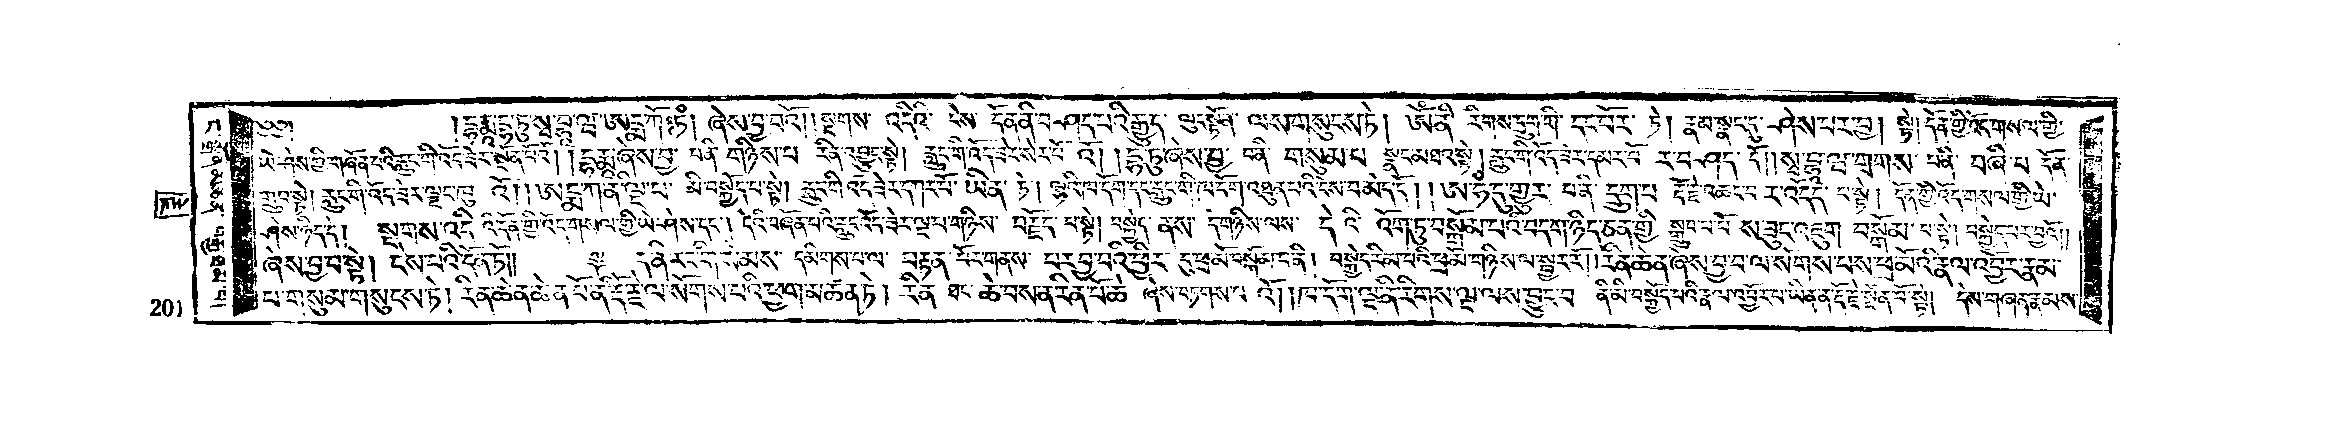༄༅། །དྷརྨཱ་དྷ་ཏུ་སྭ་བྷཱ་ཝ་ཨདམ་ཀོ་ཉཧཾ། ཞེས་བྱ་བའོ། ། སྔགས་འདིའི་ངེས་དོན་ནི་བཤད་པའི་རྒྱུད་ལུང་སྟོན་ལས་གསུངས་ཏེ། ཨོཾ་ནི་རིགས་དྲུག་གི་དང་པོར་ཏེ། རྣམ་སྣང་དུ་ཤས་པར་བྱ། སྟེ། དོན་གྱི་འོད་གསལ་གྱི་
ཡེ་ཤེས་ཀྱི་གཞོན་པའི་རླུང་གི་འོད་ཟེར་སྔོན་པོའོ། །དྷརྨཱ་ཞེས་བྱ་བ་ནི་གཉིས་པ་རིན་འབྱུང་སྟེ། རླུང་གི་འོད་ཟེར་སེར་པོའོ། །དྷ་ཏུ་ཞེས་བྱ་བ་ནི་གསུམ་པ་སྣང་མཐའ་སྟེ། རླུང་གི་འོད་ཟེར་དམར་པོར་བཤད་དོ། །སྭ་བྷཱ་ཝ་གྲགས་པ་ནི་བཞི་པ་དོན་
གྲུབ་སྟེ། རླུང་གི་འོད་ཟེར་ལྗང་ཁུའོ། །ཨདམ་ཀ་ནི་ལྔ་པ་མི་བསྐྱོད་པ་སྟེ། རླུང་གི་འོད་ཟེར་དཀར་པོ་ཡིན་ཏེ། ལྷའི་ཁ་དོག་དང་རླུང་གི་ཁ་དོག་འཐུན་པའི་ངེས་པ་མེད་དོ། །ཨ་ཧཾ་དུ་གྱུར་པ་ནི་དྲུག་པ་རྡོ་རྗེ་འཆང་བ་ར་འདོད་པ་སྟེ། དོན་གྱི་འོད་གསལ་གྱི་ཡེ་
ཤེས་ཉིད་དེ། སྔགས་འདིའི་དོན་གྱི་འོད་གསལ་གྱི་ཡེ་ཤེས་དང་། དེའི་བཞོན་པའི་རླུང་འོད་ཟེར་ལྔ་པ་གཉིས་བརྗོད་པ་སྟེ། བསྐྱེད་ནས་དེ་གཉིས་ལས་དེའི་འོག་ཏུ་བསྒོམ་པའི་བདག་ཉིད་ཅན་གྱི་སྒྲུབ་པ་པོས་ཟུང་འཇུག་བསྒོམ་པ་སྟེ། བསྐྱེད་པར་བྱའོ།།
ཞེས་བྱ་བ་སྟེ། ངེས་པའི་དོན་ཏོ།། ༈ ད་ནི་རང་གི་སེམས་དམིགས་པ་ལ་བརྟན་པོར་གནས་པར་བྱ་བའི་ཕྱིར་དུ་ཕྲ་མོ་བསྒོམ་པ་ནི། བསྐྱེད་རིམ་པའི་ཕྲ་མོ་གཉིས་ལ་སྦྱར་རོ། ། རིན་ཆེན་ཞེས་བྱ་བ་ལ་སོགས་པས་ཕྲ་མོའི་རྣལ་འབྱོར་རྣམ་
པ་གསུམ་གསུངས་ཏེ། རིན་ཆེན་ཆེན་པོ་ནི་རྡོ་རྗེ་ལ་སོགས་པའི་ཕྱག་མཚན་ཏེ། རིན་ཐང་ཆེ་བས་ན་རིན་པོ་ཆེ་ཞེས་བཏགས་པའོ། །ཁ་དོག་ལྔ་ནི་རིགས་ལྔ་ལས་བྱུང་བ་ནི་མི་བསྐྱོད་པའི་རྣལ་འབྱོར་པ་ཡིན་ན་རྡོ་རྗེ་སྔོན་པོ་སྟེ། དེས་གཞན་རྣམས་